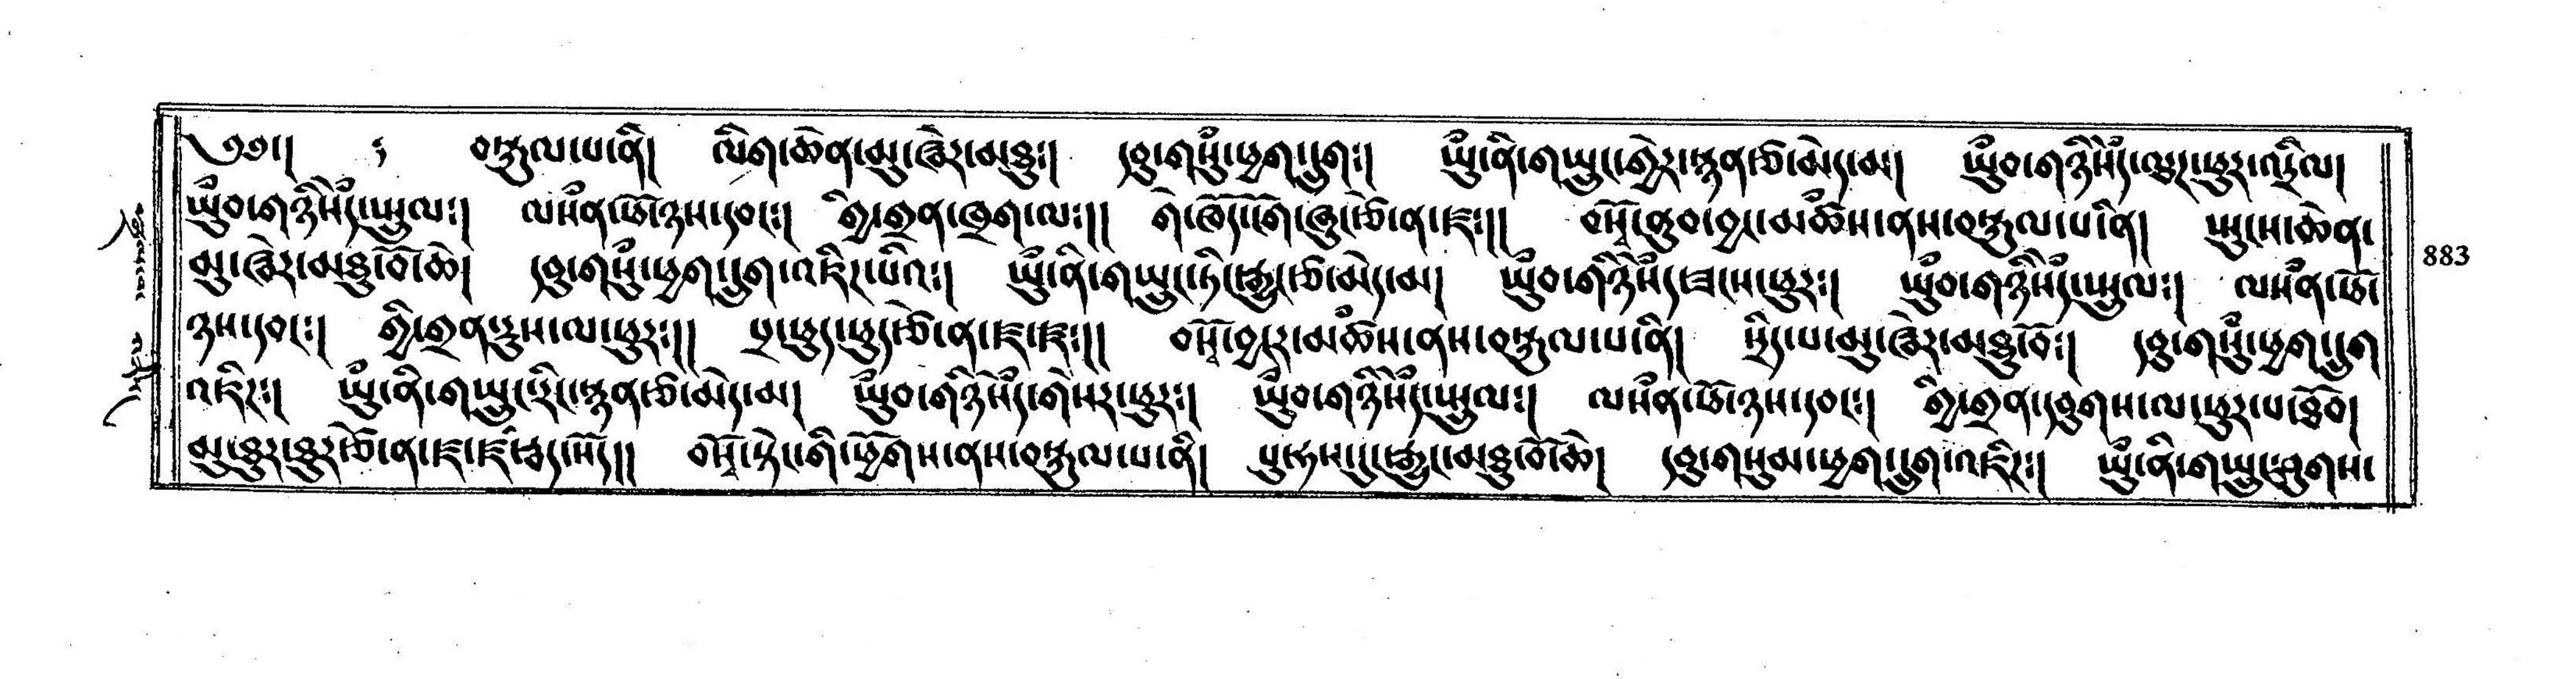བསྐུལ་པ་ནི། ལིག་ཆེན་མུ་ཝེར་མཐུ༴། དབུ་གསུམ་ཕྱག་དྲུག༴། ཡུམ་ནི་གཡུང་དྲུང་གྱེར་སྙན་ཙ་མེད་མ། ཡབ་ཡུམ་གཉིས་མེད་ལྕགས་ཕུར་འདྲིལ། 
ཡབ་ཡུམ་གཉིས་མེད་སྤྲུལ༴། ལས་མཁན་ཕོ་ཉས་དབང་༴། གྱི་གྲན་ཁྲག་ལ༴།། གེ་ཁོད་ངོག་ཞུང་ཙེ་ན་ཛ༴།། བསྭོ་ནུབ་བྱང་མཚམས་ནས་བསྐུལ་པ་ནི། སྤུངས་ཆེན་
མུ་ཝེར་མཐུ་བོ་ཆེ། དབུ་གསུམ་ཕྱག་དྲུག་འཇིགས་པའི༴། ཡུམ་ནི་གཡུང་དྲུང་ཏིང་རྒྱུང་ཙ་མེད་མ། ཡབ་ཡུམ་གཉིས་མེད་ཟངས་ཕུར༴། ཡབ་ཡུམ་གཉིས་མེད་སྤྲུལ༴། ལས་མཁན་ཕོ་
ཉས་དབང་༴། གྱི་གྲན་རུས་ལ་ཕུར༴།། པྲ་ཕུད་ཕུད་ཙེ་ན་ཛ་ཛ༴།། བསྭོ་བྱང་ཤར་མཚམས་ནས་བསྐུལ་པ་ནི། སྲིད་པ་མུ་ཝེར་མཐུ་བོ༴། དབུ་གསུམ་ཕྱག་དྲུག་
འཇིགས༴། ཡུམ་ནི་གཡུང་དྲུང་རིང་སྙན་ཙ་མེད་མ། ཡབ་ཡུམ་གཉིས་མེད་གསེར་ཕུར༴། ཡབ་ཡུམ་གཉིས་མེད་སྤྲུལ༴། ལས་མཁན་ཕོ་ཉས་དབང་༴། གྱི་གྲན་དབུགས་ལ་ཕུར་པ་ཐོབ། 
མུ་ཐུར་ཐུར་ཙེ་ན་ཛ་ཛ་རྦད་སོད།། བསྭོ་སྟེང་གི་ཕྱོགས་ནས་བསྐུལ་པ་ནི། པུ་ཧས་དུང་རྒྱུང་མཐུ་བོ་ཆེ། དབུ་གསུམ་ཕྱག་དྲུག་འཇིགས༴། ཡུམ་ནི་གཡུང་དྲུང་ཤུགས་